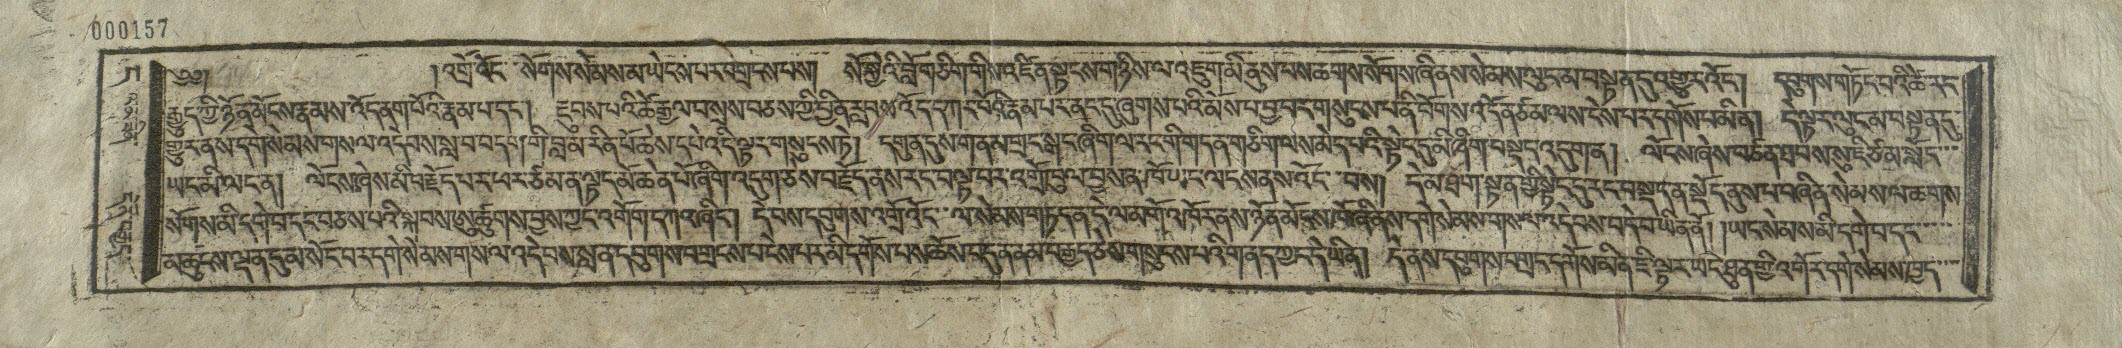༄༅། །འགྲོ་འོང་སོགས་སེམས་མ་ཡེངས་པར་བགྲངས་པས། སོ་སྐྱེའི་བློ་གཅིག་གིས་འཛིན་སྟངས་གཉིས་ལ་འཇུག་མི་ནུས་པས་ཆགས་སོགས་ཞི་ནས་སེམས་ལུང་མ་བསྟན་དུ་འགྱུར་འོང་། དབུགས་གཏོང་བའི་ཚེ་རང་
རྒྱུད་ཀྱི་ཉོན་མོངས་རྣམས་འོད་ནག་པོའི་རྣམ་པ་དང་། རྔུབས་པའི་ཚེ་རྒྱལ་བ་སྲས་བཅས་ཀྱི་བྱིན་རླབས་འོད་དཀར་པོའི་རྣམ་པར་ནང་དུ་ཞུགས་པའི་མོས་པ་བྱ་བར་གསུངས་པ་ནི་བོགས་འདོན་ཙམ་ལས་ངེས་པར་དགོས་པ་མིན། དེ་ལྟར་ལུང་མ་བསྟན་དུ་
གྱུར་ནས་དགེ་སེམས་གསལ་འདེབས་སླ་བ་བདག་གི་བླ་མ་རིན་པོ་ཆེས་དཔེ་འདི་ལྟར་གསུངས་ཏེ། དགུན་དུས་གནམ་གྲང་སྒང་ཞིག་ལ་རང་གི་གདན་གཅིག་ལས་མེད་པའི་སྟེང་དུ་མི་ཞིག་བསྡད་འདུག་ན། ལོངས་ཞེས་བཙན་ཐབས་སུ་ཇི་ཙམ་སློང་
ཡང་མི་ལང་ན། ལོངས་ཞེས་མི་བརྗོད་པར་ཕར་ཙམ་ན་ལྟད་མོ་ཆེན་པོ་ཞིག་འདུག་ཅེས་བརྗོད་ནས་རང་བལྟ་བར་འགྲོ་ཁུལ་བྱས་ན་ཁོ་ཡང་ལངས་ནས་འོང་བས། དེ་མ་ཐག་སྟན་གྱི་སྟེང་དུ་རང་བསྡད་ན་སྡོད་ནུས་པ་བཞིན་སེམས་ལ་ཆགས་
སོགས་མི་དགེ་བ་དང་བཅས་པའི་སྐབས་ཨུ་ཚུགས་བྱས་ཀྱང་འགོག་དཀའ་ཞིང་། དེ་བས་དབུགས་འགྲོ་འོང་ལ་སེམས་གཏད་ན་དེ་ལ་མགོ་འཁོར་ནས་ཉོན་མོངས་ཁོ་ཞི་ནས་དགེ་སེམས་གསལ་འདེབས་བདེ་བ་ཡིན་ནོ། །ཡང་སེམས་མི་དགེ་བ་དང་
མཚུངས་ལྡན་དུ་མ་སོང་བར་དགེ་སེམས་གསལ་འདེབས་སླ་ན་དབུགས་བགྲངས་པ་ངེས་པར་མི་དགོས་པས་ཆོས་བདུན་ནམ་བརྒྱད་ཅེས་གསུངས་པའི་གནད་ཀྱང་དེ་ཡིན། དེ་ནས་དབུགས་བགྲང་དགོས་མིན་ཇི་ལྟར་ཡང་ཐུན་གྱི་འགོར་དགེ་སེམས་ཁྱད་